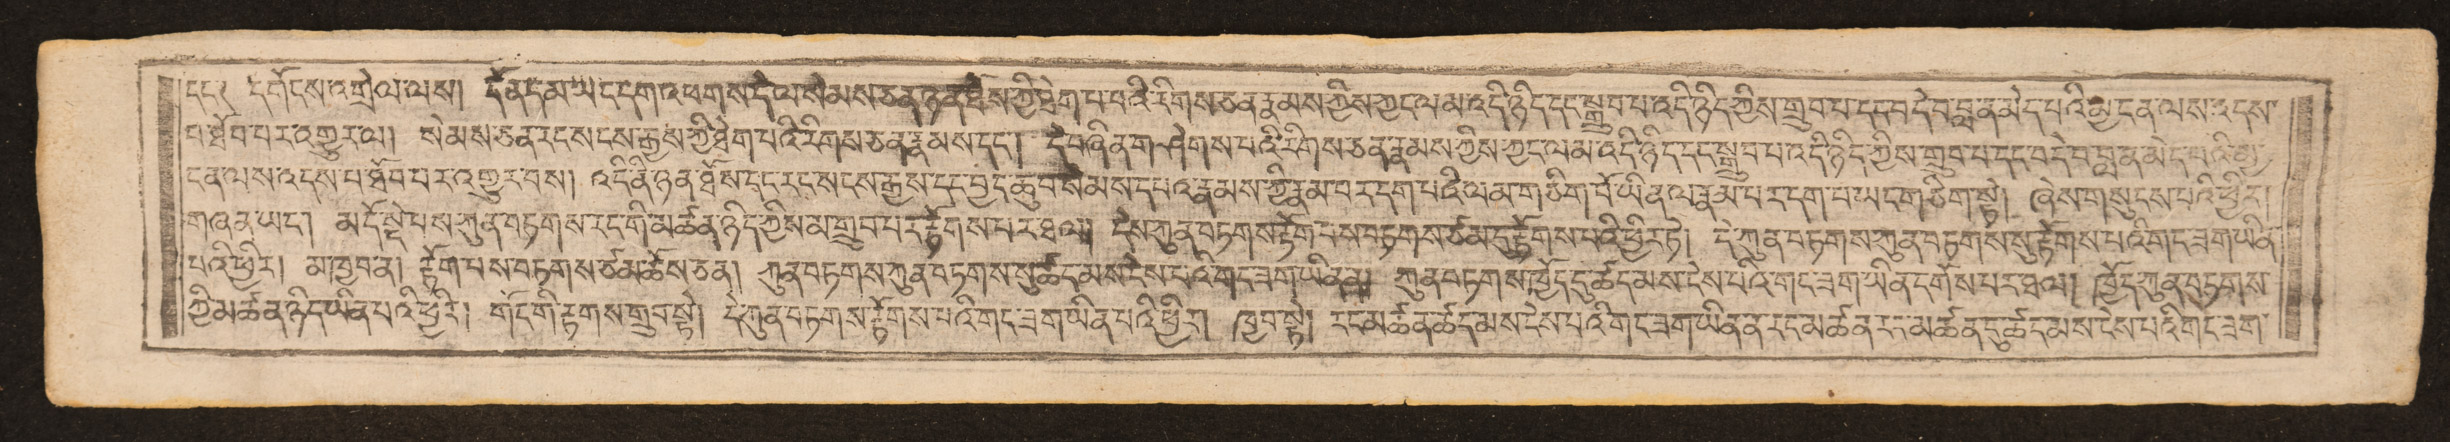དང༑ དགོངས་འགྲེལ་ལས། དོན་དམ་ཡང་དག་འཕགས་དེ་ལ་སེམས་ཅན་ཉན་ཐོས་ཀྱི་ཐེག་པ་བའི་རིགས་ཅན་རྣམས་ཀྱིས་ཀྱང་ལམ་འདི་ཉིད་དང་སྒྲུབ་པ་འདི་ཉིད་ཀྱིས་གྲུབ་པ་དང་བདེ་བ་བླ་ན་མེད་པའི་མྱ་ངན་ལས་འདས་
པ་ཐོབ་པར་འགྱུར་ལ། སེམས་ཅན་རང་སངས་རྒྱས་ཀྱི་ཐེག་པའི་རིགས་ཅན་རྣམས་དང་། དེ་བཞིན་གཤེགས་པའི་རིགས་ཅན་རྣམས་ཀྱིས་ཀྱང་ལམ་འདི་ཉིད་དང་སྒྲུབ་པ་འདི་ཉིད་ཀྱིས་གྲུབ་པ་དང་བདེ་བ་བླ་ན་མེད་པའི་མྱ་
ངན་ལས་འདས་པ་ཐོབ་པར་འགྱུར་བས། འདི་ནི་ཉན་ཐོས་དང་རང་སངས་རྒྱས་དང་བྱང་ཆུབ་སེམས་དཔའ་རྣམས་ཀྱི་རྣམ་པར་དག་པའི་ལམ་གཅིག་པོ་ཡིན་ལ་རྣམ་པར་དག་པ་ཡང་གཅིག་སྟེ། ཞེས་གསུངས་པའི་ཕྱིར།
གཞན་ཡང་། མདོ་སྡེ་པས་ཀུན་བཏགས་རང་གི་མཚན་ཉིད་ཀྱིས་མ་གྲུབ་པར་རྟོགས་པར་ཐལ། དེས་ཀུན་བཏགས་རྟོག་པས་བཏགས་ཙམ་དུ་རྟོགས་པའི་ཕྱིར་ཏེ། དེ་ཀུན་བཏགས་ཀུན་བཏགས་སུ་རྟོགས་པའི་གང་ཟག་ཡིན་
པའི་ཕྱིར། མ་ཁྱབ་ན། རྟོག་པས་བཏགས་ཙམ་ཆོས་ཅན། ཀུན་བཏགས་ཀུན་བཏགས་སུ་ཚད་མས་ངེས་པའི་གང་ཟག་ཡིན་ན། ཀུན་བཏགས་ཁྱོད་དུ་ཚད་མས་ངེས་པའི་གང་ཟག་ཡིན་དགོས་པར་ཐལ། ཁྱོད་ཀུན་བཏགས་
ཀྱི་མཚན་ཉིད་ཡིན་པའི་ཕྱིར། གོང་གི་རྟགས་གྲུབ་སྟེ། དེ་ཀུན་བཏགས་རྟོགས་པའི་གང་ཟག་ཡིན་པའི་ཕྱིར། ཁྱབ་སྟེ། རང་མཚན་ཚད་མས་ངེས་པའི་གང་ཟག་ཡིན་ན་རང་མཚན་རང་མཚན་དུ་ཚད་མས་ངེས་པའི་གང་ཟག་